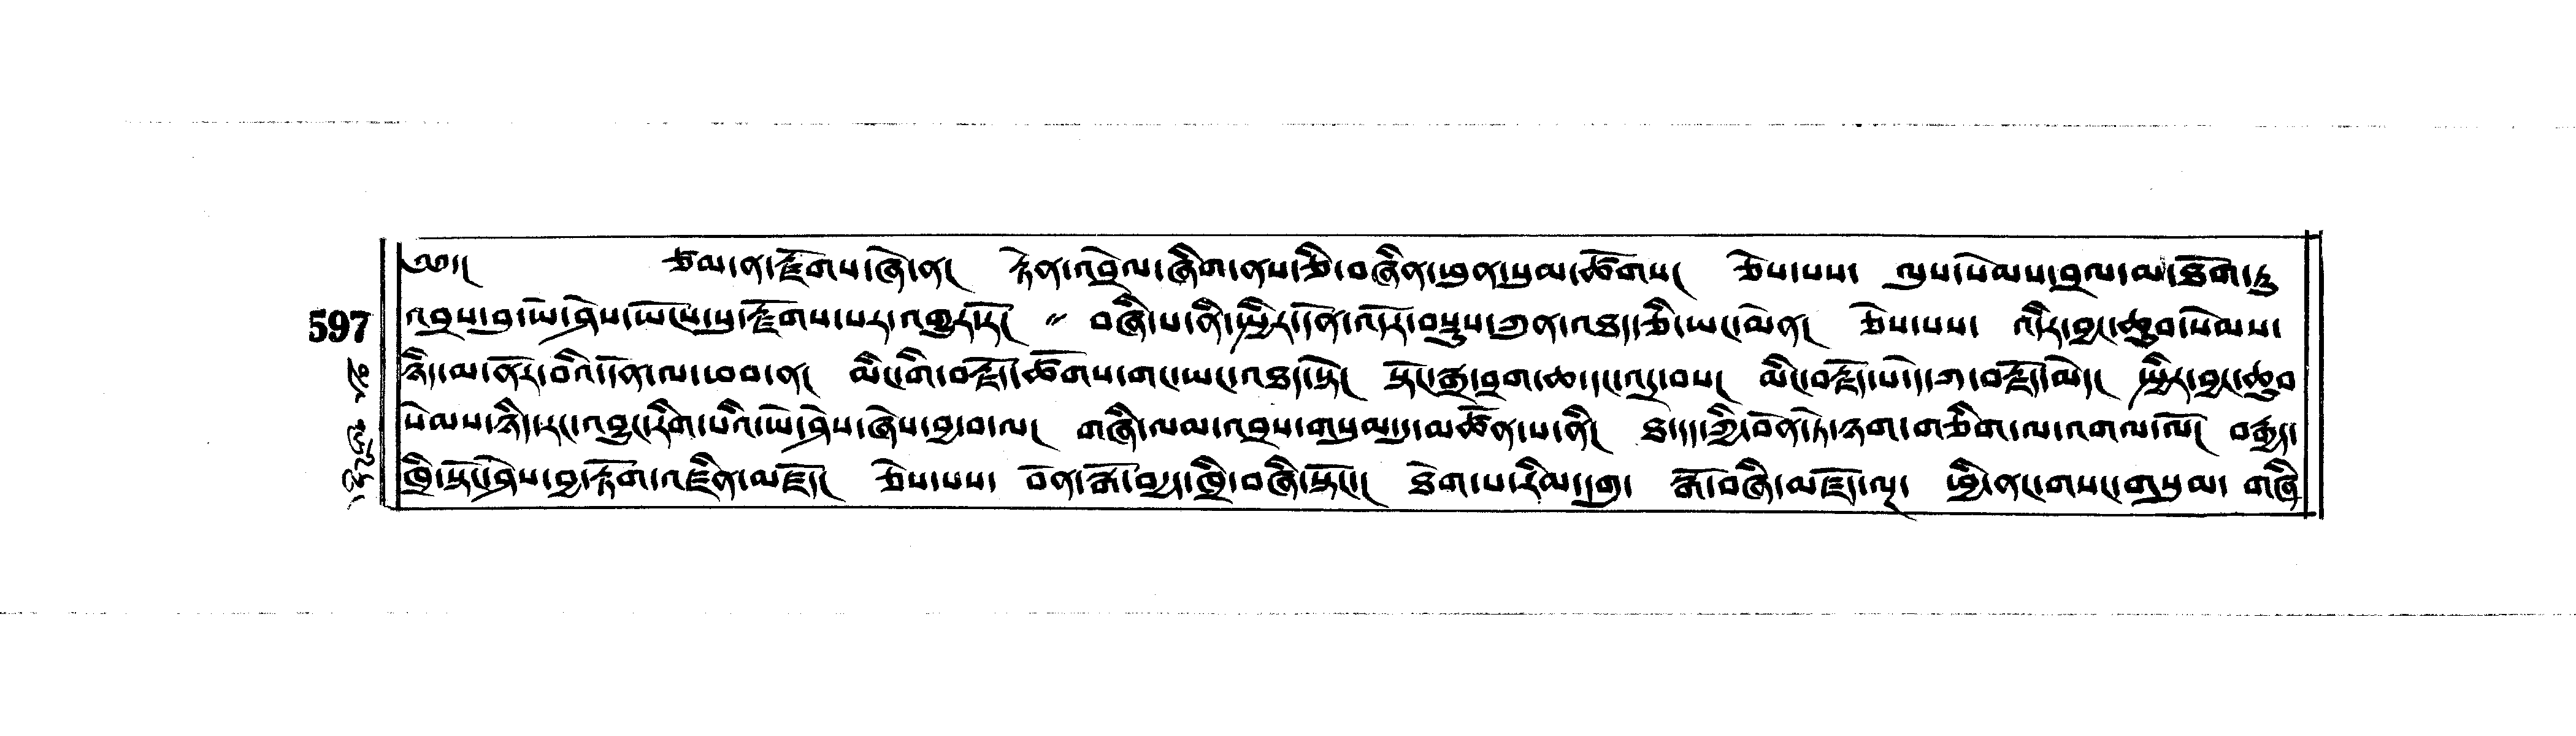ཙམ་རྫོགས་ཞེ་ན། རྟེན་འབྲེལ་ཞིག་ནས་ཅི་བཞིན་ཕུན་སུམ་ཚོགས། ཅེས་པས། ལུས་སེམས་བྲལ་མ་ཐག་ཏུ་
འབྲས་བུ་ཡེ་ཤེས་ཡོངས་སུ་རྫོགས་པར་འགྱུར་རོ། ༧ བཞི་པ་ནི་སྤྱིར་དོན་མདོར་བསྡུས་ཀུན་འཐད་ཅི་ཡང་མེན། འདིར་བྱང་ཆུབ་སེམས་
ཉིད་མ་ནོར་བའི་དོན་ལ་ཕབ་ན། མིང་གི་བརྗོད་ཚོགས་གང་ཡང་འཐད་དེ། སྟོང་སྒྲ་བྲག་ཆ་དང་འདྲ་བས། མིང་བརྗོད་པ་དེ་ཀ་བརྗོད་མེད། སྤྱིར་བྱང་ཆུབ་
སེམས་ཉིད་རང་འབྱུང་རིག་པའི་ཡེ་ཤེས་ཞེས་བྱ་བ་ལ། གཞི་ལམ་འབྲས་གསུམ་དུ་མཚོན་པ་ནི། ཐ་དད་ཀྱི་བོན་སྟེ། ཉག་གཅིག་ལ་འགལ་ལོ། བརྒྱད་
ཁྲི་བཞི་སྟོང་ཤེས་བྱ་རྟོག་འཛིན་མཛོད། ཅེས་པས། བོན་སྒོ་བརྒྱད་ཁྲི་བཞི་སྟོང་། ཐེག་པ་རིམ་དགུ། སྒོ་བཞི་མཛོད་ལྔ། ཕྱི་ནང་གསང་གསུམ། གཞི་